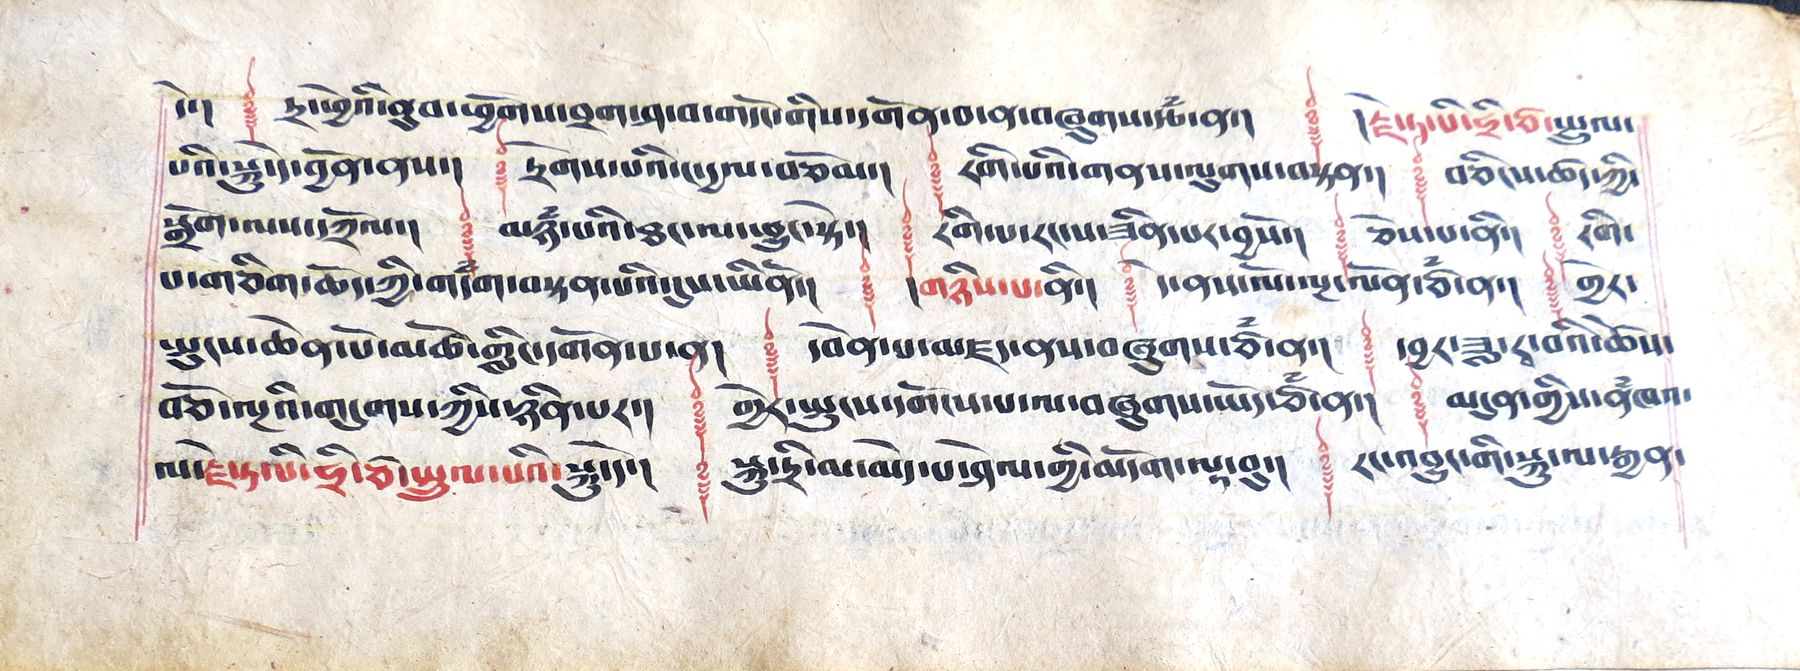དེ། དྲ་བྱེའི་ནུབ་ཕྱོགས་བྲག་ཤ་བ་གདོང་གི་དགོན་པ་ན་བཞུགས་ཙམ་ན། རྗེ་ཏ་པི་ཧྲི་ཙ་སྤྲུལ་
པའི་སྐུ་དེ་བྱོན་ནས། དྲེགས་པའི་ང་རྒྱལ་བཅོམ། རིག་པའི་གནས་ལུགས་བསྟན། བཅིངས་ཚད་ཀྱི་
སྒྲོག་ལས་བཀྲོལ། མཉམ་པའི་ཐང་ལ་ཕྱུང་སྟེ་རིག་པ་རང་ས་ཟིན་པར་བྱས་སོ། །ཞེས་པ་ནི་རིག་
པ་གཅིག་ཆོད་ཀྱི་གདམས་ངག་བསྟན་པའི་དུས་ཡིན་ནོ། །གཉིས་པ་ནི། དེ་ནས་ལོ་ལྔ་ལོན་ཙམ་ན། གྱེར་
སྤུངས་ཆེན་པོ་མཚོ་གླིང་དགོན་པ་ན། དབེན་པ་མཛད་ནས་བཞུགས་ཙམ་ན། དབྱར་ཟླ་ར་བའི་ཚེས་
བཅོ་ལྔའི་གདུགས་ཀྱི་ཉིན་པར། གྱེར་སྤུངས་དགོངས་པ་ལ་བཞུགས་ཡོད་ཙམ་ན། མདུན་གྱི་ནམ་མཁའ་
ལ་རྗེ་ཏ་པི་ཧྲི་ཙ་སྤྲུལ་པའི་སྐུ་དེ། སྐུ་དྲི་མ་མེད་པ་ཤེལ་གྱི་མདོག་ལྟ་བུ། རང་འབྱུང་གི་སྐུ་ལ་རྒྱན་